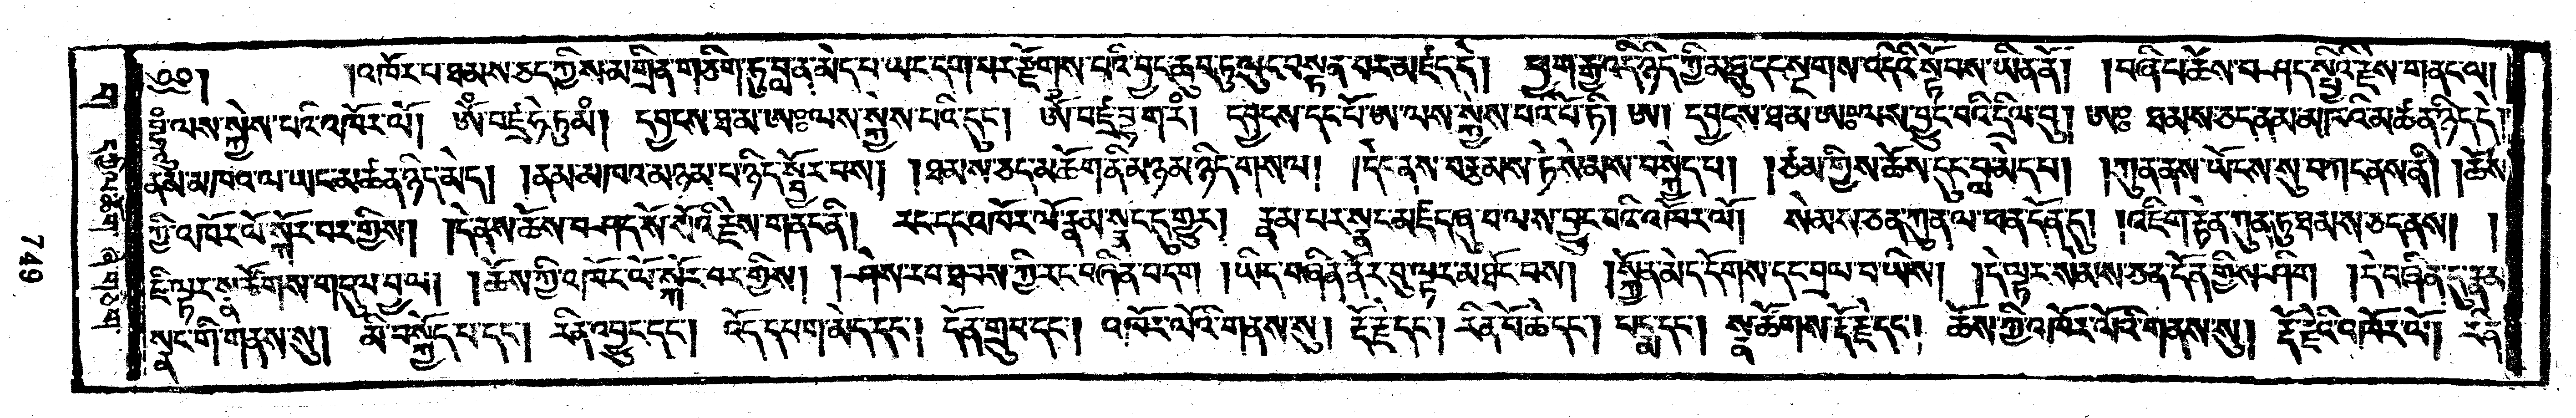༄༅། །འཁོར་པ་ཐམས་ཅད་ཀྱིས་མགྲིན་གཅིག་ཏུ་བླ་ན་མེད་པ་ཡང་དག་པར་རྫོགས་པའི་བྱང་ཆུབ་ཏུ་ལུང་བསྟན་པར་མཛད་དེ། ཕྱག་རྒྱ་འདི་ཉིད་ཀྱི་མཐུ་དང་སྔགས་འདིའི་སྟོབས་ཡིན་ནོ། །བཞི་པ་ཚེས་བཤད་སྤྱིའི་རྗེས་གནང་ལ།
བྷྲཱུཾ་ལས་སྐྱེས་པའི་འཁོར་ལོ། ཨོཾ་བཛྲ་ཧེ་ཏུ་མཾ། དབྱངས་ཐ་མ་ཨཿལས་སྐྱེས་པའི་དུང་། ཨོཾ་བཛྲ་བྷ་ག་རཾ། དབྱངས་དང་པོ་ཨ་ལས་སྐྱེས་པའི་པོ་ཏི། ཨ། དབྱངས་ཐ་མ་ཨཿལས་བྱུང་བའི་དྲིལ་བུ། ཨཿཐམས་ཅད་ནམ་མཁའི་མཚན་ཉིད་དེ་
ནམ་མཁའ་ལ་ཡང་མཚན་ཉིད་མེད། །ནམ་མཁའ་མཉམ་པ་ཉིད་སྦྱོར་བས། །ཐམས་ཅད་མཆོག་ནི་མཉམ་ཉིད་གསལ། །དེང་ནས་བརྩམས་ཏེ་སེམས་བསྐྱེད་པ། །ཙམ་གྱིས་ཆོས་དུང་བླ་མེད་པ། །ཀུན་ནས་ཡོངས་སུ་བཀང་ནས་ནི། །ཆོས་
ཀྱི་འཁོར་ལོ་སྐོར་བར་གྱིས། །དེ་ནས་ཆོས་བཤད་སོ་སོའི་རྗེས་གནང་ནི། །རང་དང་འཁོར་ལོ་རྣམ་སྣང་དུ་གྱུར། རྣམ་པར་སྣང་མཛད་ཞུ་བ་ལས་བྱུང་བའི་འཁོར་ལོ། སེམས་ཅན་ཀུན་ལ་ཕན་དོན་དུ། །འཇིག་རྟེན་ཀུན་ཏུ་ཐམས་ཅད་ནས། །
ཇི་ལྟར་སྣ་ཚོགས་གདུལ་བྱ་ལ། །ཆོས་ཀྱི་འཁོར་ལོ་སྐོར་བར་གྱིས། །ཤེས་རབ་ཐབས་ཀྱི་རང་བཞིན་བདག །ཡིད་བཞིན་ནོར་བུ་ལྟར་མཐོང་བས། །སྐྱོན་མེད་དོགས་དང་བྲལ་བ་ཡིས། །དེ་ལྟར་སེམས་ཅན་དོན་གྱིས་ཤིག །དེ་བཞིན་དུ་རྣམ་
སྣང་གི་གནས་སུ། མི་བསྐྱོད་པ་དང་། རིན་འབྱུང་དང་། འོད་དཔག་མེད་དང་། དོན་གྲུབ་དང་། འཁོར་ལོའི་གནས་སུ། རྡོ་རྗེ་དང་། རིན་པོ་ཆེ་དང་། པདམ་དང་། སྣ་ཚོགས་རྡོ་རྗེ་དང་། ཆོས་ཀྱི་འཁོར་ལོའི་གནས་སུ། རྡོ་རྗེའི་འཁོར་ལོ། རིན་